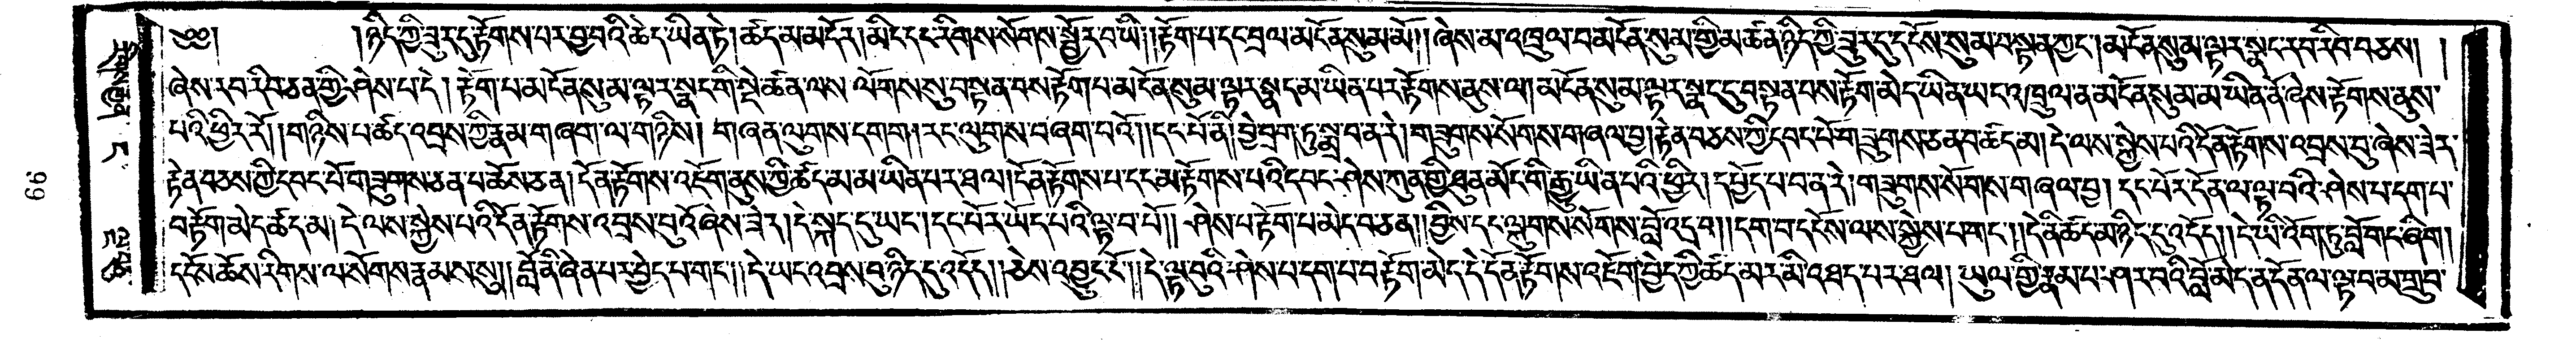༄༅། །ཉིད་ཀྱི་ཟུར་དུ་རྟོགས་པར་བྱ་བའི་ཆེད་ཡིན་ཏེ། ཚད་མ་མདོར། མིང་དང་རིགས་སོགས་སྦྱོར་བ་ཡི། །རྟོག་པ་དང་བྲལ་མངོན་སུམ་མོ། །ཞེས་མ་འཁྲུལ་བ་མངོན་སུམ་གྱི་མཚན་ཉིད་ཀྱི་ཟུར་དུ་དངོས་སུ་མ་བསྟན་ཀྱང་། མངོན་སུམ་ལྟར་སྣང་རབ་རིབ་བཅས། །
ཞེས་རབ་རིབ་ཅན་གྱི་ཤེས་པ་དེ། རྟོག་པ་མངོན་སུམ་ལྟར་སྣང་གི་སྡེ་ཚན་ལས་ལོགས་སུ་བསྟན་པས་རྟོག་པ་མངོན་སུམ་ལྟར་སྣང་མ་ཡིན་པར་རྟོགས་ནུས་ལ། མངོན་སུམ་ལྟར་སྣང་དུ་བསྟན་པས་རྟོག་མེད་ཡིན་ཡང་འཁྲུལ་ན་མངོན་སུམ་མ་ཡིན་ནོ་ཞེས་རྟོགས་ནུས་
པའི་ཕྱིར་རོ། །གཉིས་པ་ཚད་འབྲས་ཀྱི་རྣམ་གཞག་ལ་གཉིས། གཞན་ལུགས་དགག །རང་ལུགས་བཞག་པའོ། །དང་པོ་ནི། བྱེ་བྲག་ཏུ་སྨྲ་བ་ན་རེ། གཟུགས་སོགས་གཞལ་བྱ། རྟན་བཅས་ཀྱི་དབང་པོ་གཟུགས་ཅན་པ་ཚད་མ། དེ་ལས་སྐྱེས་པའི་དོན་རྟོགས་འབྲས་བུ་ཞེས་ཟེར།
རྟེན་བཅས་ཀྱི་དབང་པོ་གཟུགས་ཅན་པ་ཆོས་ཅན། དོན་རྟོགས་འཇོག་ནུས་ཀྱི་ཚད་མ་མ་ཡིན་པར་ཐལ། དོན་རྟོགས་པ་དང་མ་རྟོགས་པའི་དབང་ཤེས་ཀུན་གྱི་ཐུན་མོང་གི་རྒྱུ་ཡིན་པའི་ཕྱིར། དཔྱོད་པ་བ་ན་རེ། གཟུགས་སོགས་གཞལ་བྱ། དང་པོར་དོན་ལ་ལྟ་བའི་ཤེས་པ་དག་པ་
པ་རྟོག་མེད་ཚད་མ། དེ་ལས་སྐྱེས་པའི་དོན་རྟོགས་འབྲས་བུའོ་ཞེས་ཟེར། དེ་སྐད་དུ་ཡང་། དང་པོར་ཡོད་པའི་ལྟ་བ་པོ། །ཤེས་པ་རྟོག་པ་མེད་པ་ཅན། །བྱིས་དང་ལྐུགས་སོགས་བློ་འདྲ་བ། །དག་པ་དངོས་ལས་སྐྱེས་པ་གང་། །དེ་ནི་ཚད་མ་ཉིད་དུ་འདོད། །དེ་ཡི་འོག་ཏུ་བློ་གང་ཞིག །
དངོས་ཆོས་རིགས་ལ་སོགས་རྣམས་སུ། །བློ་ནི་ཞེན་པར་བྱེད་པ་གང་། །དེ་ཡང་འབྲས་བུ་ཉིད་དུ་འདོད། །ཅེས་འབྱུང་ངོ། །དེ་ལྟ་བུའི་ཤེས་པ་དག་པ་བ་རྟོག་མེད་དེ་དོན་རྟོགས་འཇོག་བྱེད་ཀྱི་ཚད་མར་མི་འཐད་པར་ཐལ། ཡུལ་གྱི་རྣམ་པ་ཤར་བའི་བློ་མེད་ན་དོན་ལ་ལྟ་བ་མ་གྲུབ་